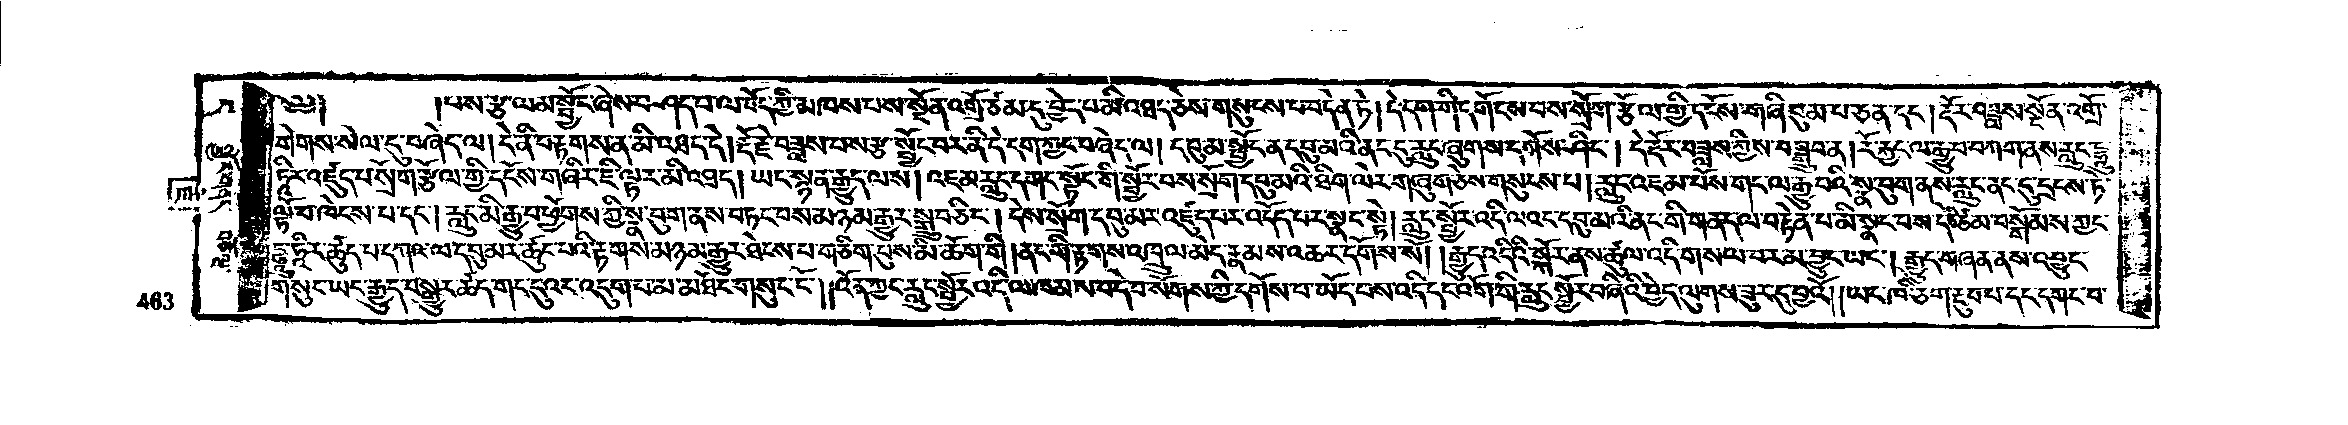༄༅། །པས་རྩ་ལམ་སྦྱོང་ཞེས་བཤད་པ་ལ་བོད་ཀྱི་མཁས་པས་སྔོན་འགྲོ་ཙམ་དུ་བྱེད་པ་མི་འཐད་ཅེས་གསུངས་པ་བདེན་ཏེ། དེ་དག་གི་དགོངས་པས་སྲོག་རྩོལ་གྱི་དངོས་གཞི་བུམ་པ་ཅན་དང་། རྡོར་བཟླས་སྔོན་འགྲོ་
གེགས་སེལ་དུ་བཞེད་ལ། དེ་ནི་བརྟགས་ན་མི་འཐད་དེ། རྡོ་རྗེ་བཟླས་པས་རྩ་སྦྱོང་བར་ནི་དེ་དག་ཀྱང་བཞེད་ལ། དབུ་མ་སྦྱོང་ན་དབུ་མའི་ནང་དུ་རླུང་ཞུགས་དགོས་ཤིང་། དེ་རྡོར་བཟླས་ཀྱིས་བསྒྲུབ་ན། རོ་རྐྱང་ལ་རྒྱུ་བ་བཀག་ནས་རླུང་དྷཱུ་
ཏཱིར་འཛུད་པ་སྲོག་རྩོལ་གྱི་དངོས་གཞིར་ཇི་ལྟར་མི་འཐད། ཡང་སྙན་རྒྱུད་ལས། འཇམ་རླུང་དགང་སྟོང་གི་སྦྱོར་བས་སྲོག་དབུ་མའི་ཐིག་ལེར་གཞུག་ཅེས་གསུངས་པ། རླུང་འཇམ་པོས་གང་ལ་རྒྱུ་པའི་སྣ་བུག་ནས་རླུང་ནང་དུ་དྲངས་ཏེ་
ལྟོ་བ་ཁེངས་པ་དང་། རླུང་མི་རྒྱུ་པ་ཕྱོགས་ཀྱི་སྣ་བུག་ནས་བཏང་བས་མཉམ་རྒྱུར་སྒྲུབ་ཅིང་། དེས་སྲོག་དབུ་མར་འཛུད་པར་འདོད་པར་སྣང་སྟེ། རླུང་སྦྱོར་འདི་ལའང་དབུ་མའི་ནང་གི་གནད་ལ་བརྟེན་པ་མི་སྣང་པས་དེ་ཅི་ཙམ་བསྒོམས་ཀྱང་
དྷཱུ་ཏཱིར་ཚུད་པ་དཀའ་ལ་དབུ་མར་ཚུང་པའི་རྟགས་མཉམ་རྒྱུར་ཐེངས་པ་གཅིག་པུས་མི་ཆོག་གི །ནང་གི་རྟགས་འཁྲུལ་མེད་རྣམས་འཆར་དགོས་སོ། །རྒྱུད་འདིའི་སྐོར་ནས་ཚུལ་འདི་གསལ་བར་མ་བྱུང་ཡང་། རྒྱུད་གཞན་ནས་འབྱུང་
གསུང་ཡང་རྒྱུད་བསྒྱུར་ཚད་གང་དུའང་འདུག་པ་མ་མཐོང་གསུང་ངོ། །འོན་ཀྱང་རླུང་སྦྱོར་འདི་ལ་ཁམས་བདེ་བ་སོགས་ཀྱི་དགོས་པ་ཡོད་པས་འདི་དང་འོག་གི་རླུང་སྦྱོར་བཞིའི་བྱེད་ལུགས་ཟུར་དུ་བྱའོ། །ཡང་ཁ་ཅིག་རྡུབ་པ་དང་དགང་བ་